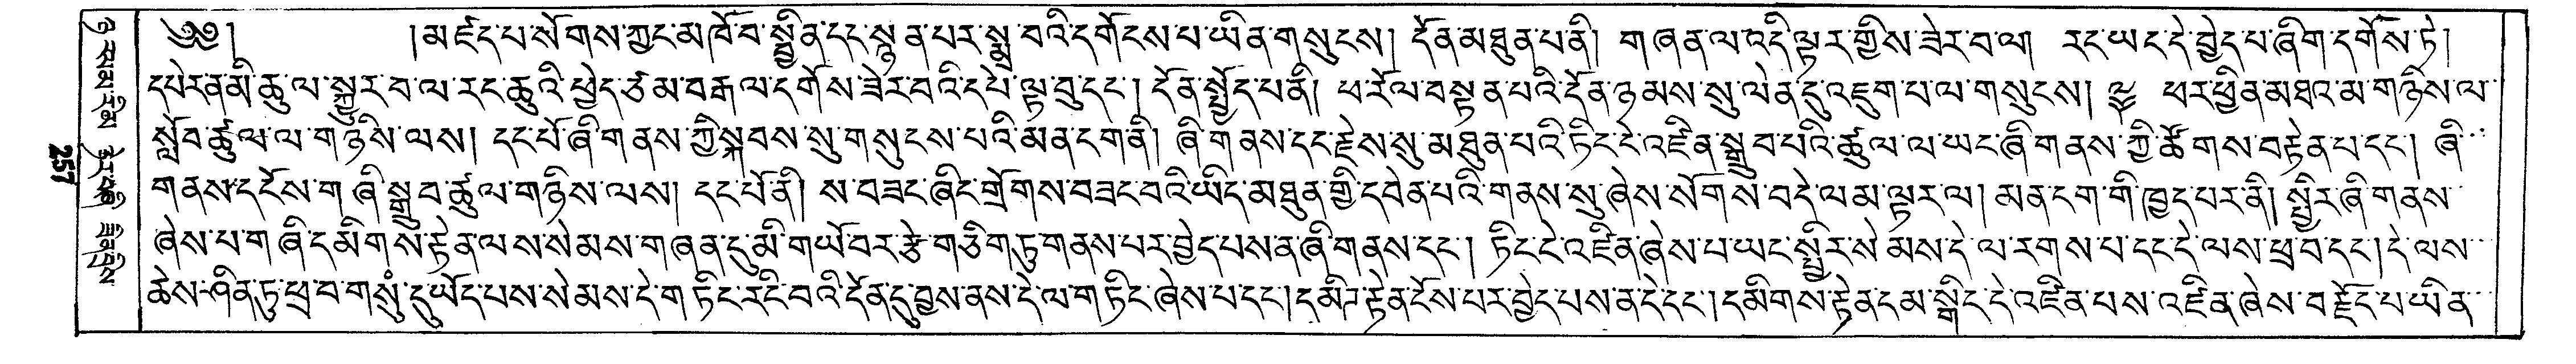༄༅། །མཛད་པ་སོགས་ཀྱང་མཁོ་བ་སྦྱིན་དང་སྙན་པར་སྨྲ་བའི་དགོངས་པ་ཡིན་གསུངས། དོན་མཐུན་པ་ནི། གཞན་ལ་འདི་ལྟར་གྱིས་ཟེར་བ་ལ། རང་ཡང་དེ་བྱེད་པ་ཞིག་དགོས་ཏེ།
དཔེར་ན་མི་ཆུ་ལ་སྐྱུར་བ་ལ་རང་ཆུའི་ཕྱེད་ཙམ་བརྒལ་དགོས་ཟེར་བའི་དཔེ་ལྟ་བུ་དང་། དོན་སྤྱོད་པ་ནི། ཕ་རོལ་བསྟན་པའི་དོན་ཉམས་སུ་ལེན་དུ་འཇུག་པ་ལ་གསུངས། ༈ ཕར་ཕྱིན་མཐའ་མ་གཉིས་ལ་
སློབ་ཚུལ་ལ་གཉིས་ལས། དང་པོ་ཞི་གནས་ཀྱི་སྐབས་སུ་གསུངས་པའི་མན་ངག་ནི། ཞི་གནས་དང་རྗེས་སུ་མཐུན་པའི་ཏིང་ངེ་འཛིན་སྒྲུབ་པའི་ཚུལ་ལ་ཡང་ཞི་གནས་ཀྱི་ཚོགས་བརྟེན་པ་དང་། ཞི་
གནས་དངོས་གཞི་སྒྲུབ་ཚུལ་གཉིས་ལས། དང་པོ་ནི། ས་བཟང་ཞིང་གྲོགས་བཟང་བའི་ཡིད་མཐུན་གྱི་དབེན་པའི་གནས་སུ་ཞེས་སོགས་བདེ་ལམ་ལྟར་ལ། མན་ངག་གི་ཁྱད་པར་ནི། སྤྱིར་ཞི་གནས་
ཞེས་པ་གཞི་དམིགས་རྟེན་ལས་སེམས་གཞན་དུ་མི་གཡོ་བར་རྩེ་གཅིག་ཏུ་གནས་པར་བྱེད་པས་ན་ཞི་གནས་དང་། ཏིང་ངེ་འཛིན་ཞེས་པ་ཡང་སྤྱིར་སེམས་དེ་ལ་རགས་པ་དང་དེ་ལས་ཕྲ་བ་དང་། དེ་ལས་
ཆེས་ཤིན་ཏུ་ཕྲ་བ་གསུཾ་དུ་ཡོད་པས་སེམས་དེ་གཏིང་རིང་བའི་དོན་དུ་བྱས་ནས་དེ་ལ་གཏིང་ཞེས་པ་དང་། དམིཌ་རྟེན་ངེས་པར་བྱེད་པས་ན་དེ་དང་། དམིགས་རྟེན་དམ་སྒྲིང་ངེ་འཛིན་པས་འཛིན་ཞེས་བརྗོད་པ་ཡིན་